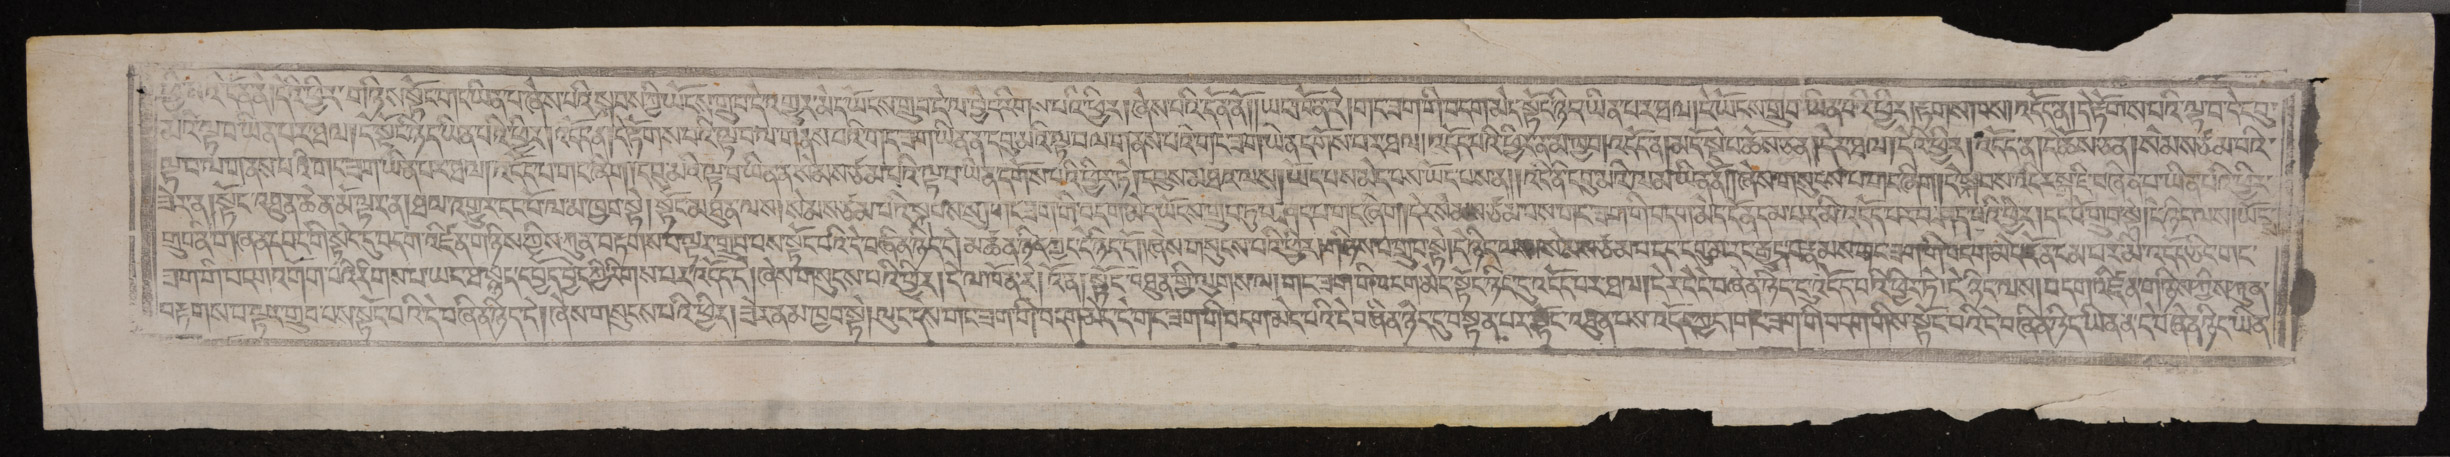ཕྱི་མའི་དོན་ནི། དེའི་ཕྱིར་གཉིས་སྟོང་གང་ཡིན་པ་ཞེས་པའི་སྐབས་ཀྱི་ཡོངས་གྲུབ་དེ་འགྱུར་མེད་ཡོངས་གྲུབ་དེ་ལ་བྱེད་རིགས་པའི་ཕྱིར། ཞེས་པའི་དོན་ནོ། །ཡང་ཁོ་ན་རེ། གང་ཟག་གི་བདག་མེད་སྟོང་ཉིད་ཡིན་པར་ཐལ། དེ་ཡོངས་གྲུབ་ཡིན་པའི་ཕྱིར། རྟགས་ཁས། འདོད་ན། དེ་རྟོགས་པའི་ལྟ་བ་དེ་དབུ་
མའི་ལྟ་བ་ཡིན་པར་ཐལ། དེ་སྟོང་ཉིད་ཡིན་པའི་ཕྱིར། འདོད་ན། དེ་རྟོགས་པའི་ལྟ་བ་ལ་གནས་པའི་གང་ཟག་ཡིན་ན་དབུ་མའི་ལྟ་བ་ལ་གནས་པའི་གང་ཟག་ཡིན་དགོས་པར་ཐལ། འདོད་པའི་ཕྱིར་ན་མ་ཁྱབ། འདོད་ན། མདོ་སྡེ་པ་ཆོས་ཅན། དེར་ཐལ། དེའི་ཕྱིར། དེ་ཆོས་ཅན། སེམས་ཙམ་པའི་
ལྟ་བ་ལ་གནས་པའི་གང་ཟག་ཡིན་པར་ཐལ། འདོད་པ་གང་ཞིག། དབུ་མའི་ལྟ་བ་ཡིན་ན་སེམས་ཙམ་པའི་ལྟ་བ་ཡིན་དགོས་པའི་ཕྱིར་ཏེ། དབུས་མཐའ་ལས། ཡོད་པས་མེད་པས་ཡོད་པས་ན། །འདི་ནི་དབུ་མའི་ལམ་ཡིན་ནོ། །ཞེས་གསུངས་པ་གང་ཞིག། དེ་སྐབས་འདིར་སྒྲ་ཇི་བཞིན་པ་ཡིན་པའི་ཕྱིར་
ཟེར་ན། སྟོང་འཐུན་ཆེན་མོ་ལྟར་ན། ཐལ་འགྱུར་དང་པོ་ལ་མ་ཁྱབ་སྟེ། སྟོང་མཐུན་ལས། སེམས་ཙམ་པའི་སྐབས་སུ། གང་ཟག་གི་བདག་མེད་ཡོངས་གྲུབ་ཏུ་བཤད་པ་གང་ཞིག། དེར་སེམས་ཙམ་པས་གང་ཟག་གི་བདག་མེད་དོན་དམ་པར་མི་འདོད་པར་བཤད་པའི་ཕྱིར། དང་པོ་གྲུབ་སྟེ། དེ་ཉིད་ལས། ཡོངས་
གྲུབ་ནི་གཞན་དབང་གི་སྟེང་དུ་བདག་འཛིན་གཉིས་ཀྱིས་ཀུན་བརྟགས་པ་ལྟར་གྲུབ་པས་སྟོང་པའི་དེ་བཞིན་ཉིད་དེ། མཚན་ཉིད་ཀྱང་དེ་ཉིད་དོ། །ཞེས་གསུངས་པའི་ཕྱིར། གཉིས་པ་གྲུབ་སྟེ། དེ་ཉིད་ལས། སེམས་ཙམ་པ་དང་དབུ་མ་རང་རྒྱུད་པ་རྣམས་གང་ཟག་གི་བདག་མེད་དོན་དམ་པར་མི་འདོད་ཅིང་གང་
ཟག་གི་བདག་འགོག་པའི་རིགས་པ་ཡང་ཐ་སྙད་དཔྱོད་བྱེད་ཀྱི་རིགས་པར་འདོད་དེ། ཞེས་གསུངས་པའི་ཕྱིར། དེ་ལ་ཁོ་ན་རེ། འོ་ན། སྟོང་འཐུན་གྱི་ལུགས་ལ། གང་ཟག་གི་བདག་མེད་སྟོང་ཉིད་དུ་འདོད་པར་ཐལ། དེར་དེ་དེ་བཞིན་ཉིད་དུ་འདོད་པའི་ཕྱིར་ཏེ། དེ་ཉིད་ལས། བདག་འཛིན་གཉིས་ཀྱིས་ཀུན་
བརྟགས་པ་ལྟར་གྲུབ་པས་སྟོང་པའི་དེ་བཞིན་ཉིད་དེ། ཞེས་གསུངས་པའི་ཕྱིར། ཟེར་ན་མ་ཁྱབ་སྟེ། ལུང་དེས་གང་ཟག་གི་བདག་མེད་དེ་གང་ཟག་གི་བདག་མེད་པའི་དེ་བཞིན་ཉིད་དུ་བསྟན་པར་སྟོང་འཐུན་པས་འདོད་ཀྱང་། གང་ཟག་གི་བདག་གིས་སྟོང་པའི་དེ་བཞིན་ཉིད་ཡིན་ན་དེ་བཞིན་ཉིད་ཡིན་